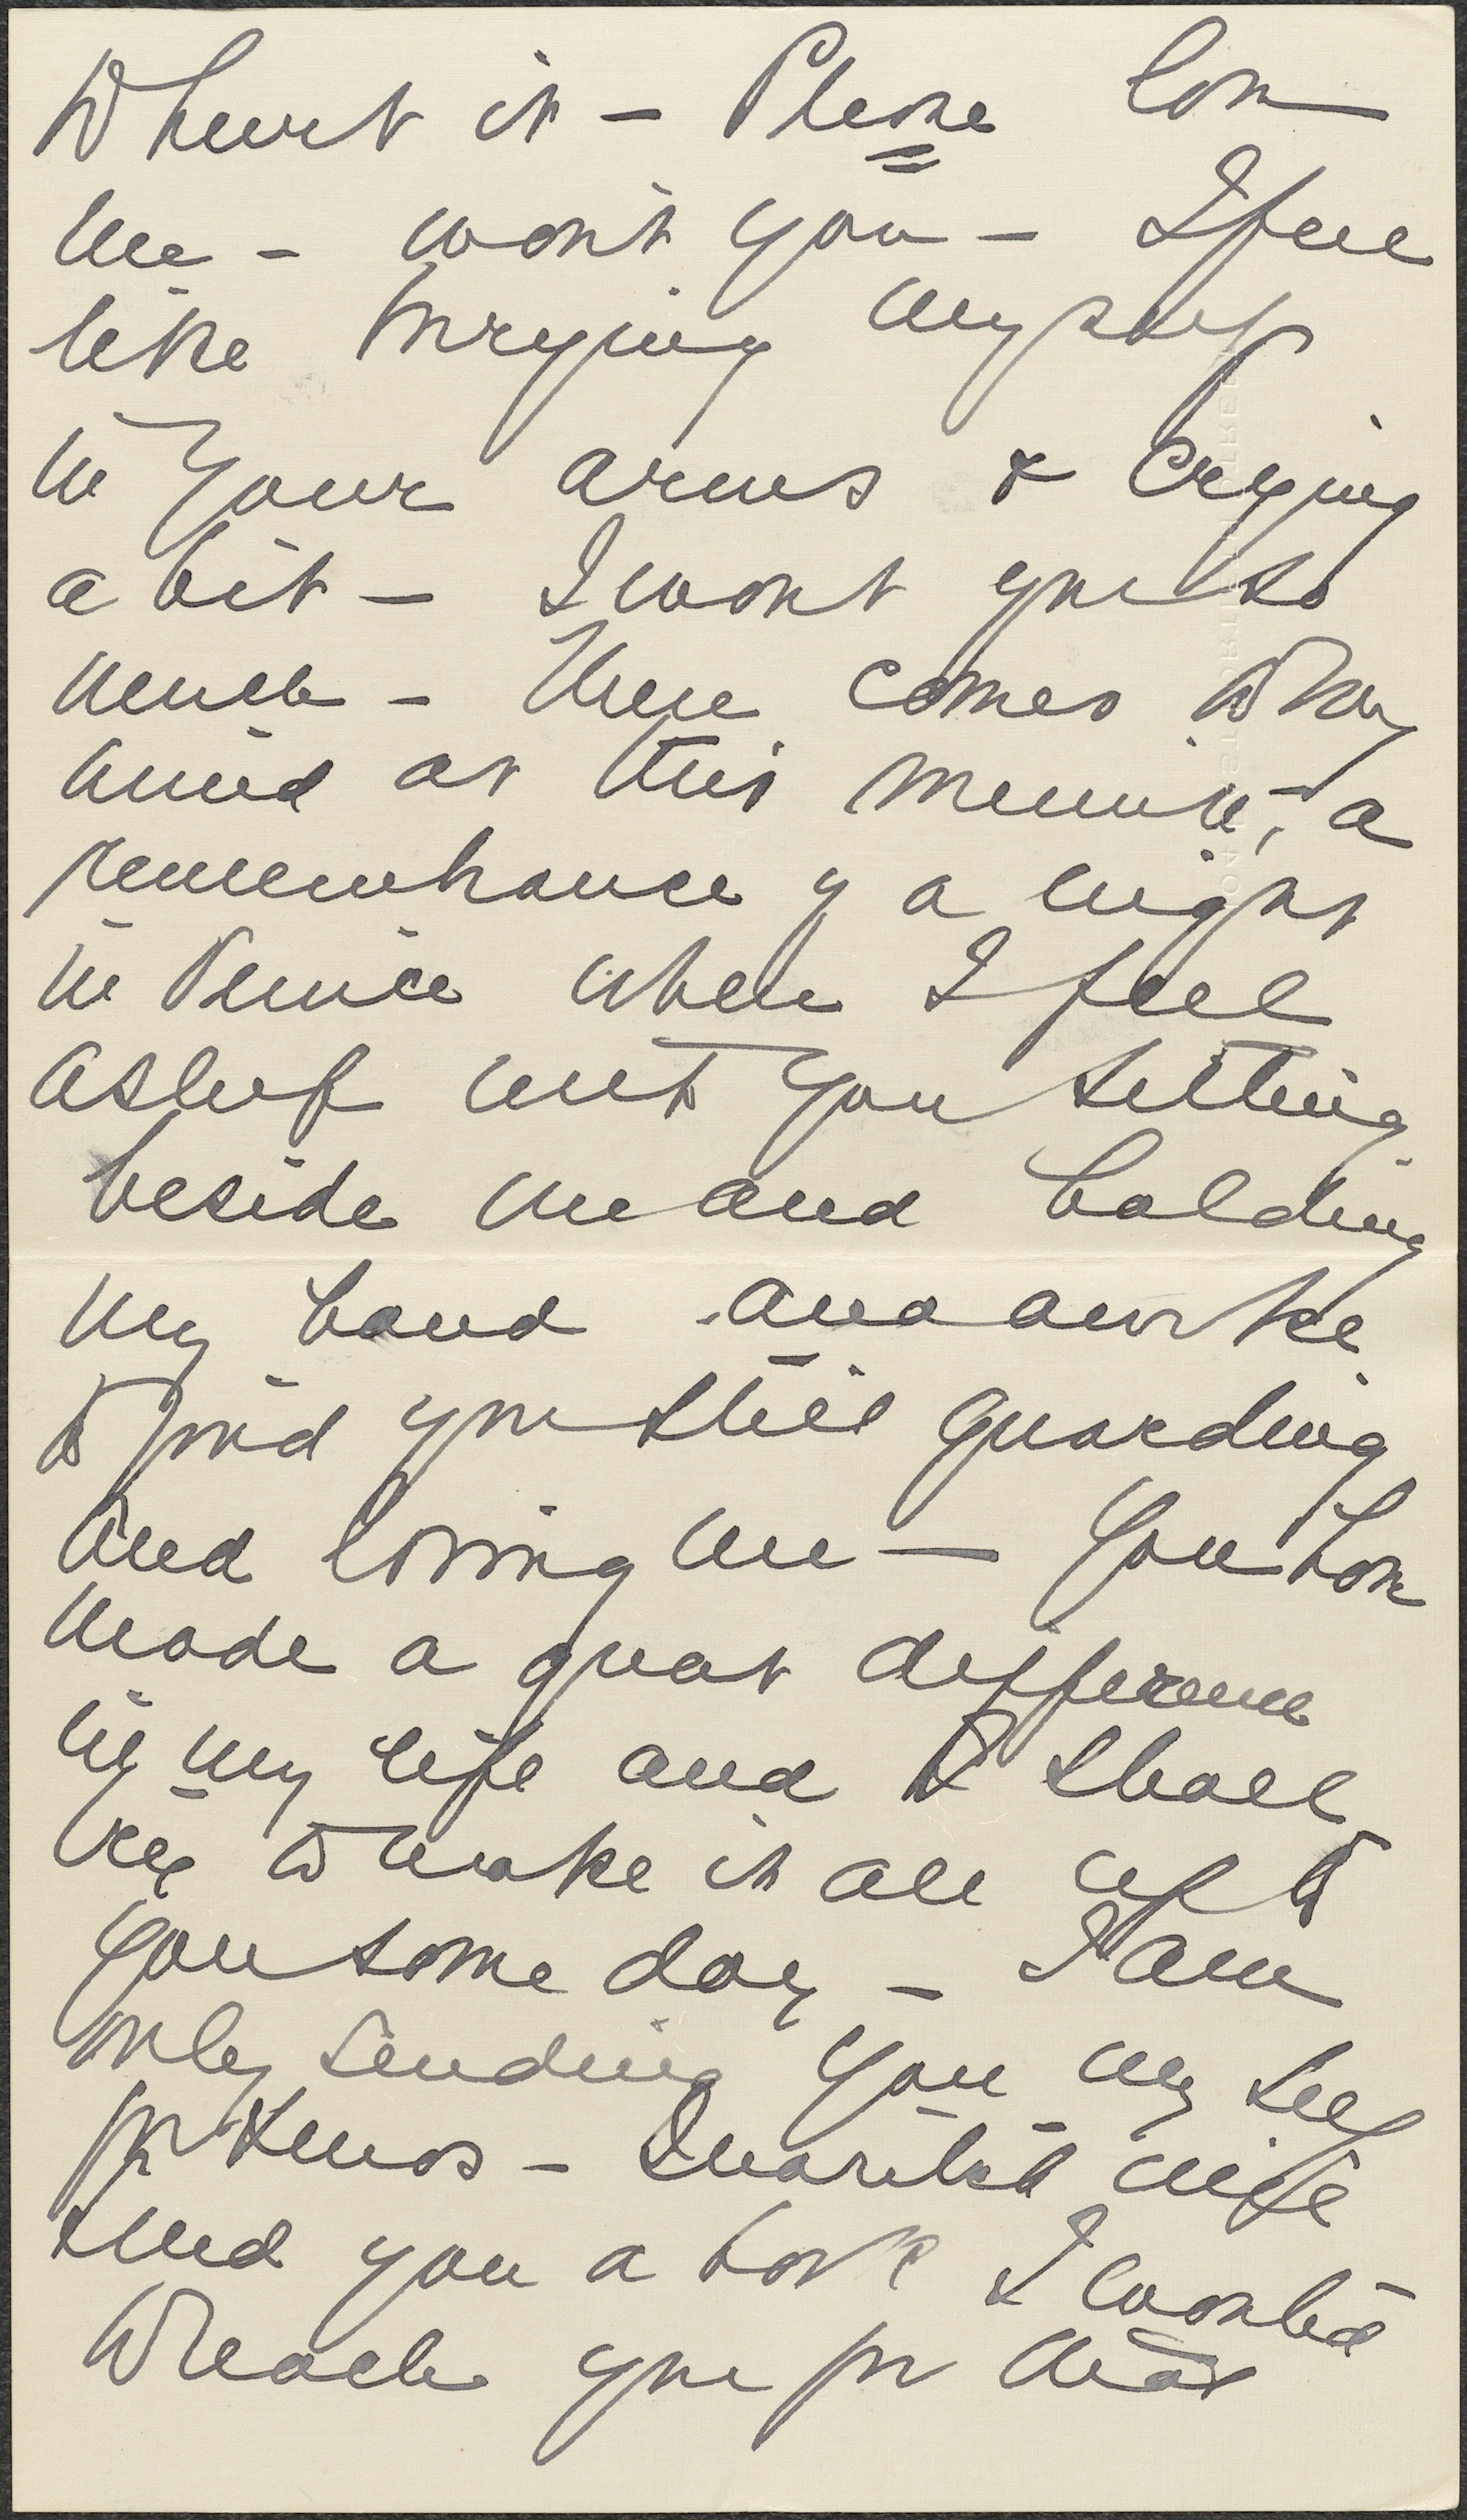to hurt it – [double underlined: Please] love me – won’t you – I feel like like burying myself in your arms & crying a bit – I want you so much – There comes to my mind at this minute, a remembrance of a night in Venice when I fell asleep with you sitting beside me and holding my hand and awoke to find you still guarding and loving me – You have made a great difference in my life and I shall try to make it all up to you some day – I am only sending you my self for Xmas – Quaritch will send you a book I wanted to reach you for that